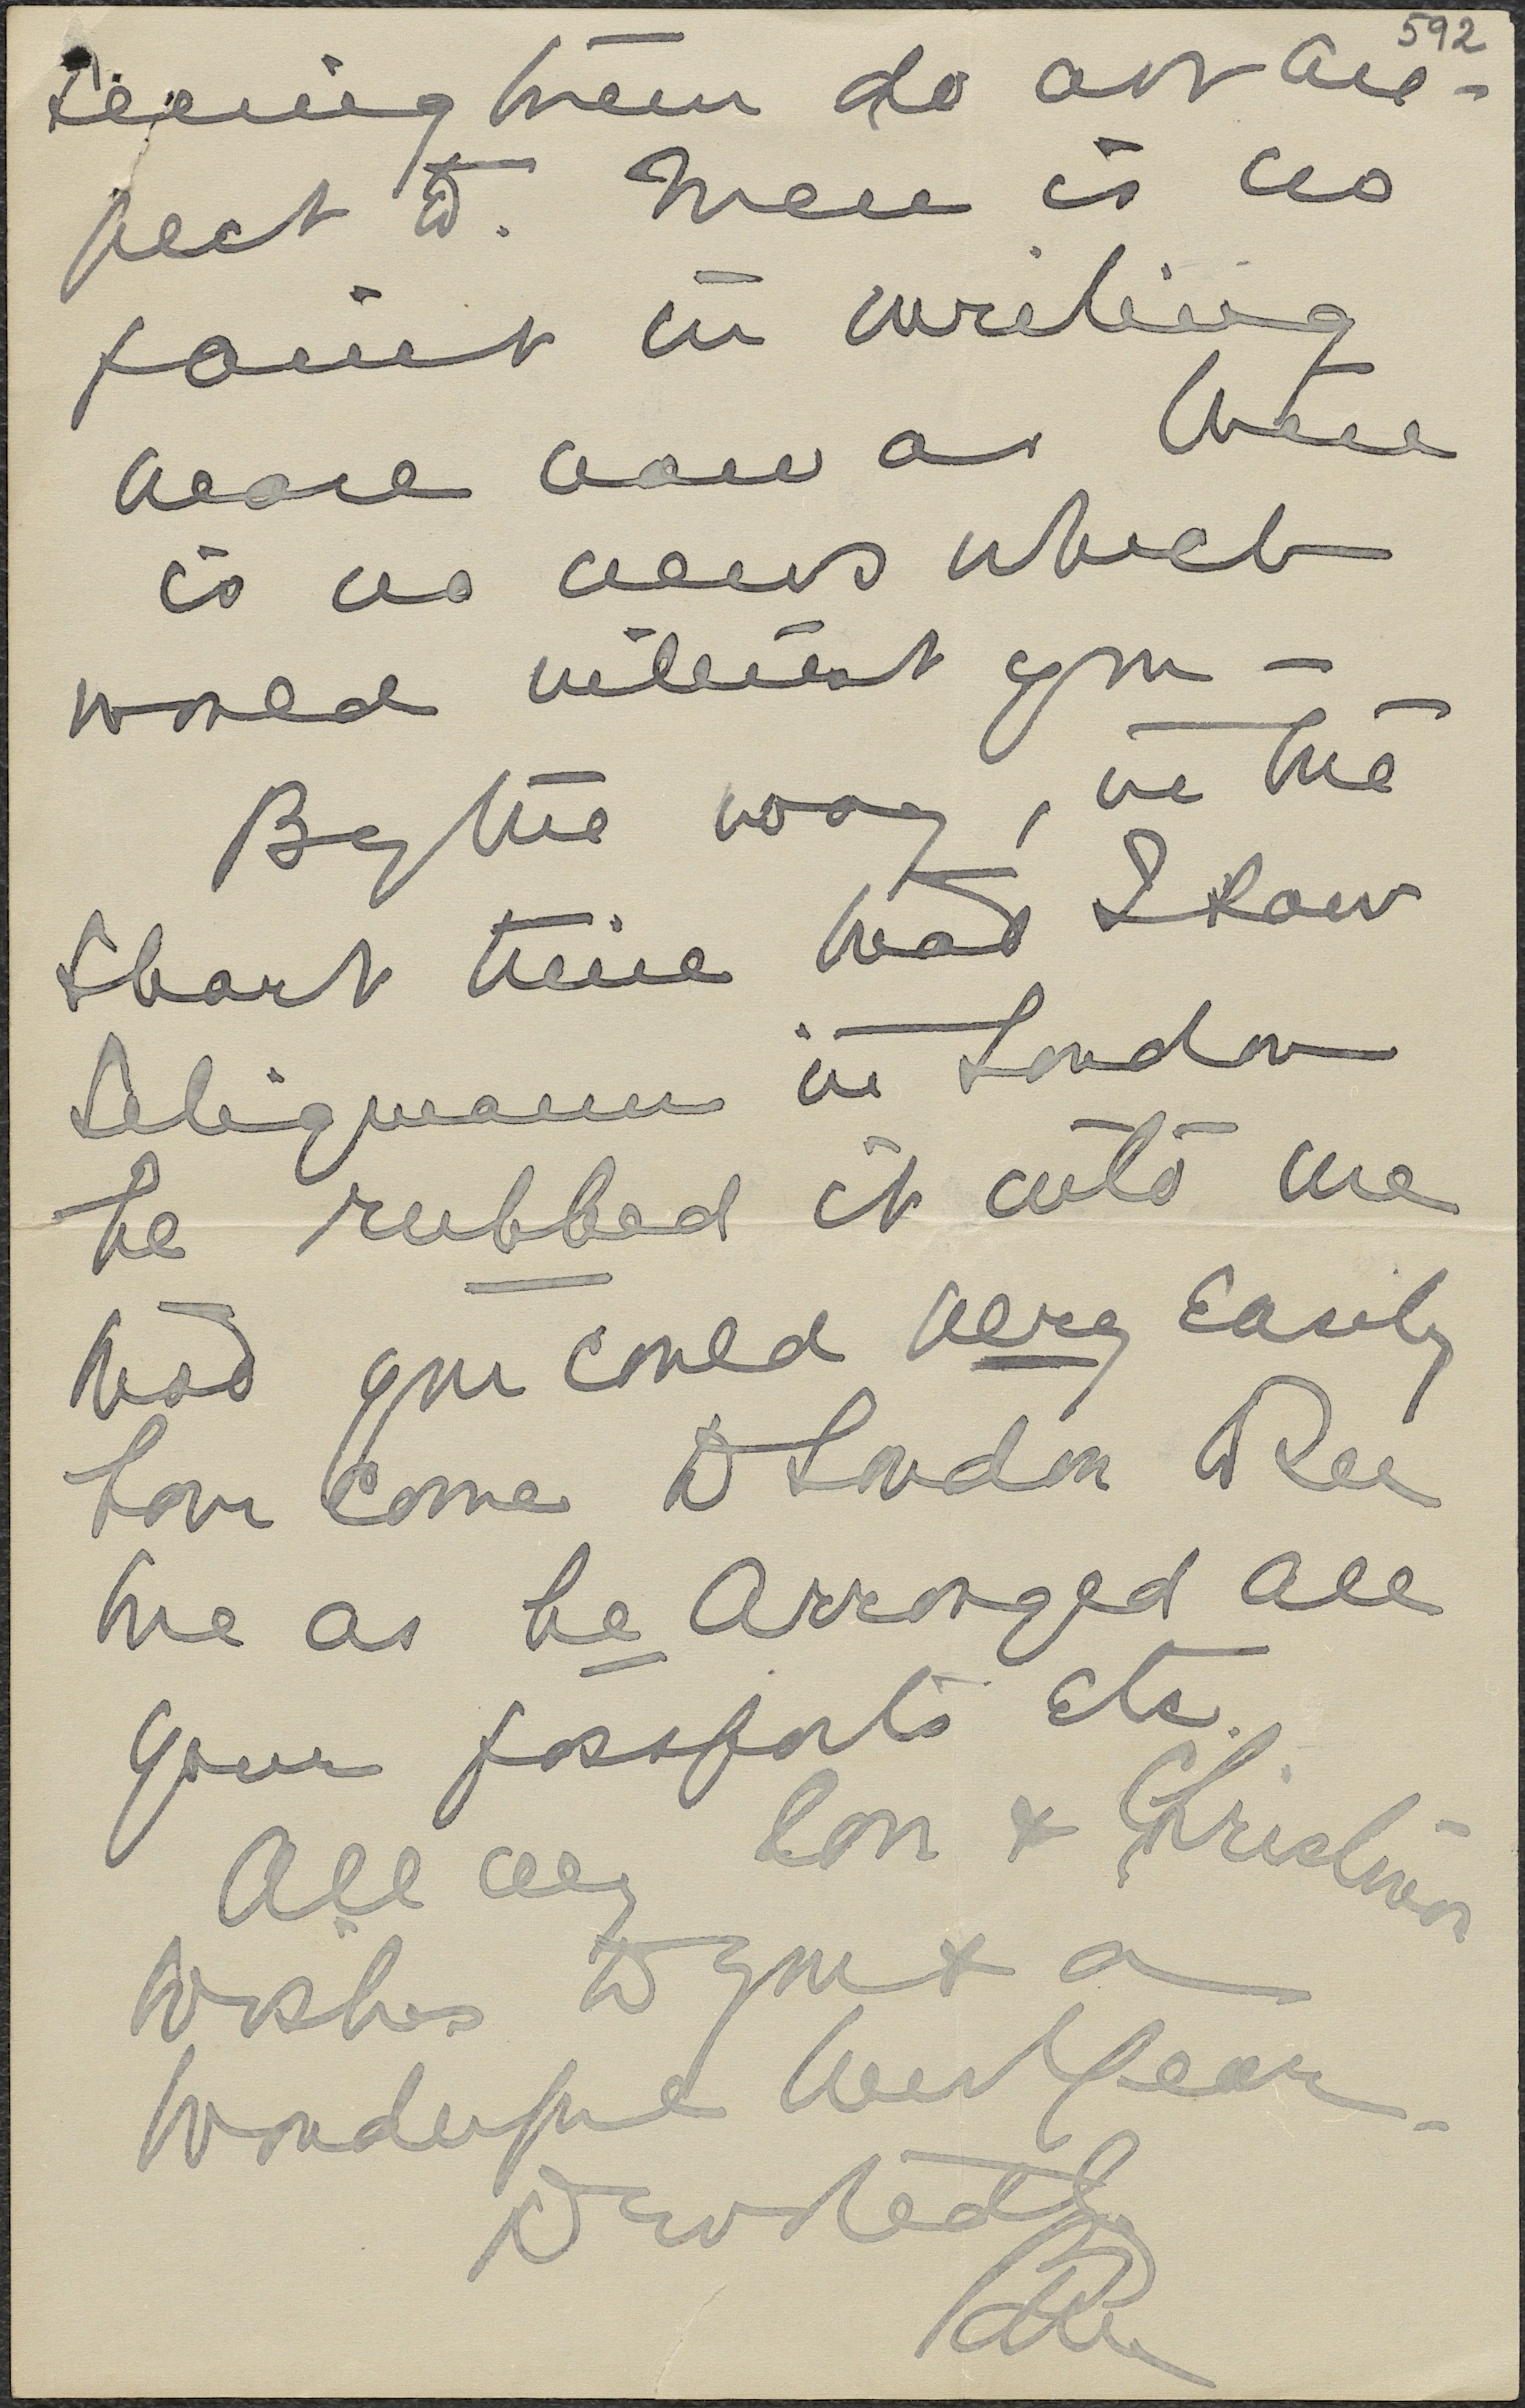seeing them do not expect to. There is no point in writing more now as there is no news which would interest you –
By the way, in the short time that I saw Seligmann in London he rubbed it into me that you could very easily have come to London to see me as he arranged all your passports etc.
All my love & Christmas wishes to you & a wonderful New Year.
Devotedly
Belle